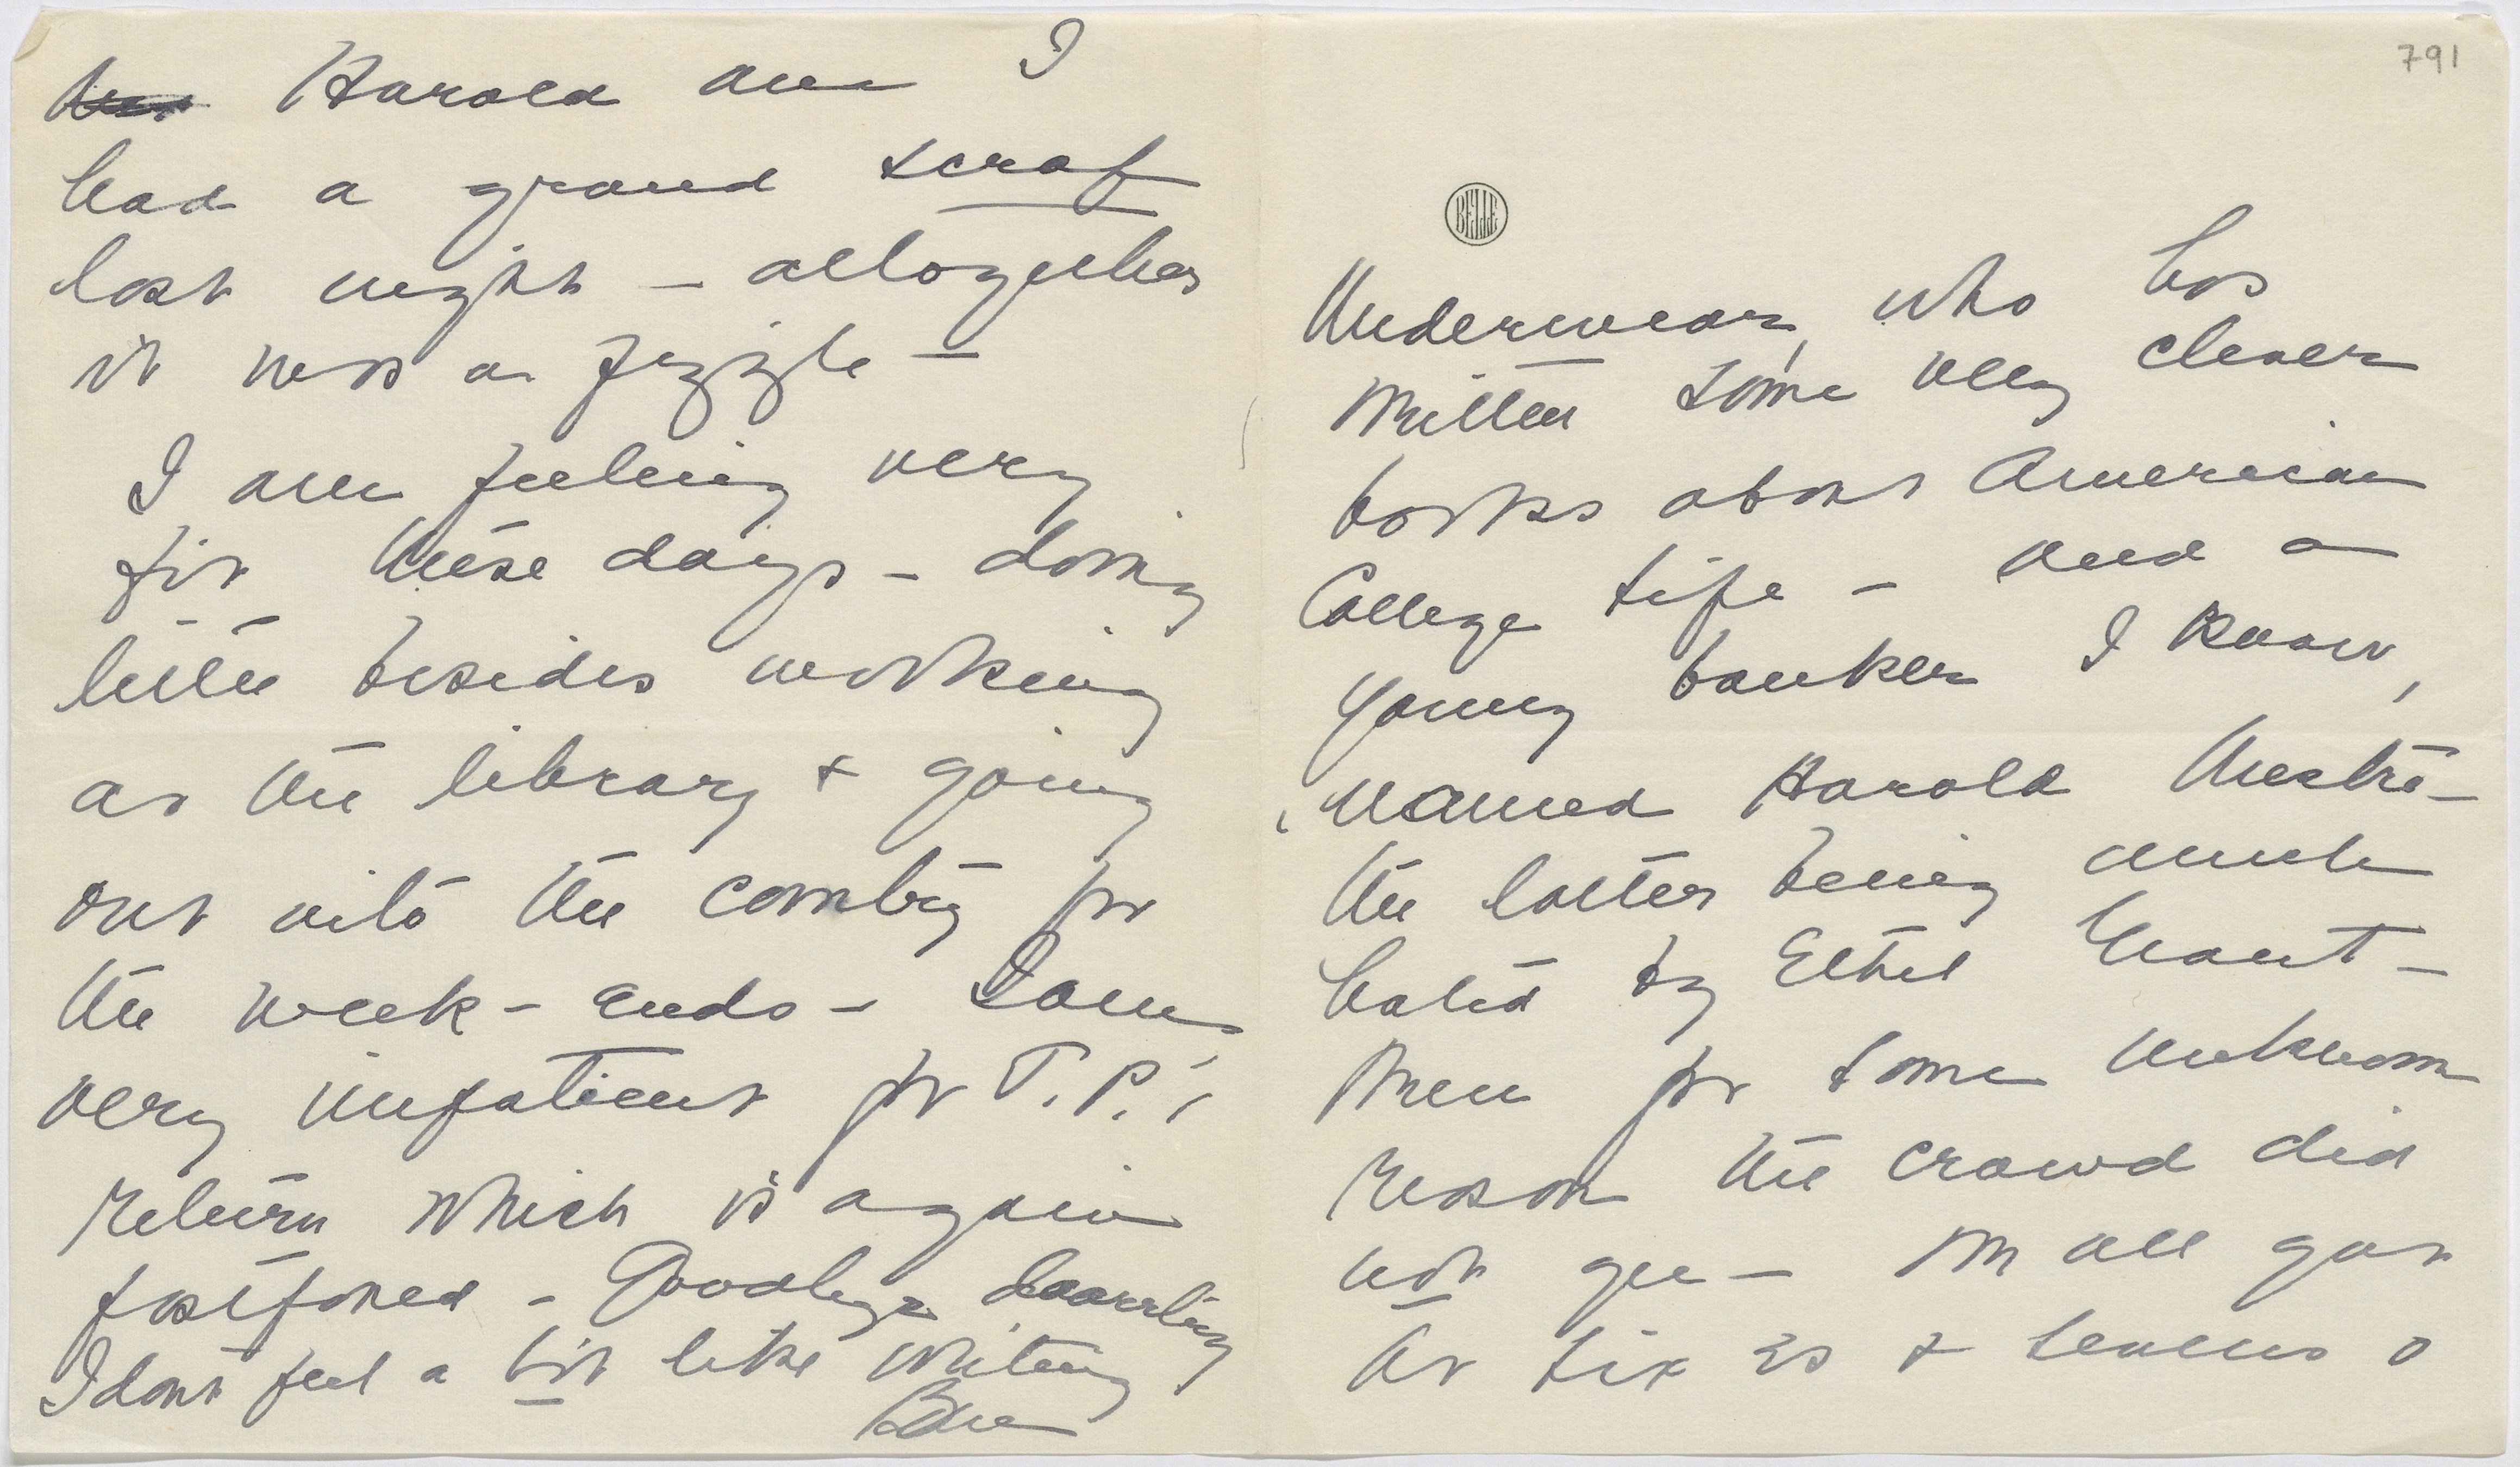Underwear, who has written some very clever books about American College Life – and a young banker I know named Harold Mestre – the latter being much hated by Ethel Grant – Then for some unknown reason the crowd did not gel – we all got at sixes & sevens &
[illegible deletion] Harold and I had a grand scrap last night – altogether it was a fizzle –
I am feeling very fit these days – doing little besides working at the library & going out into the country for the week-ends – I am very impatient for J. P.’s return which is again postponed – Goodbye daarrling I don’t feel a bit like writing
Belle